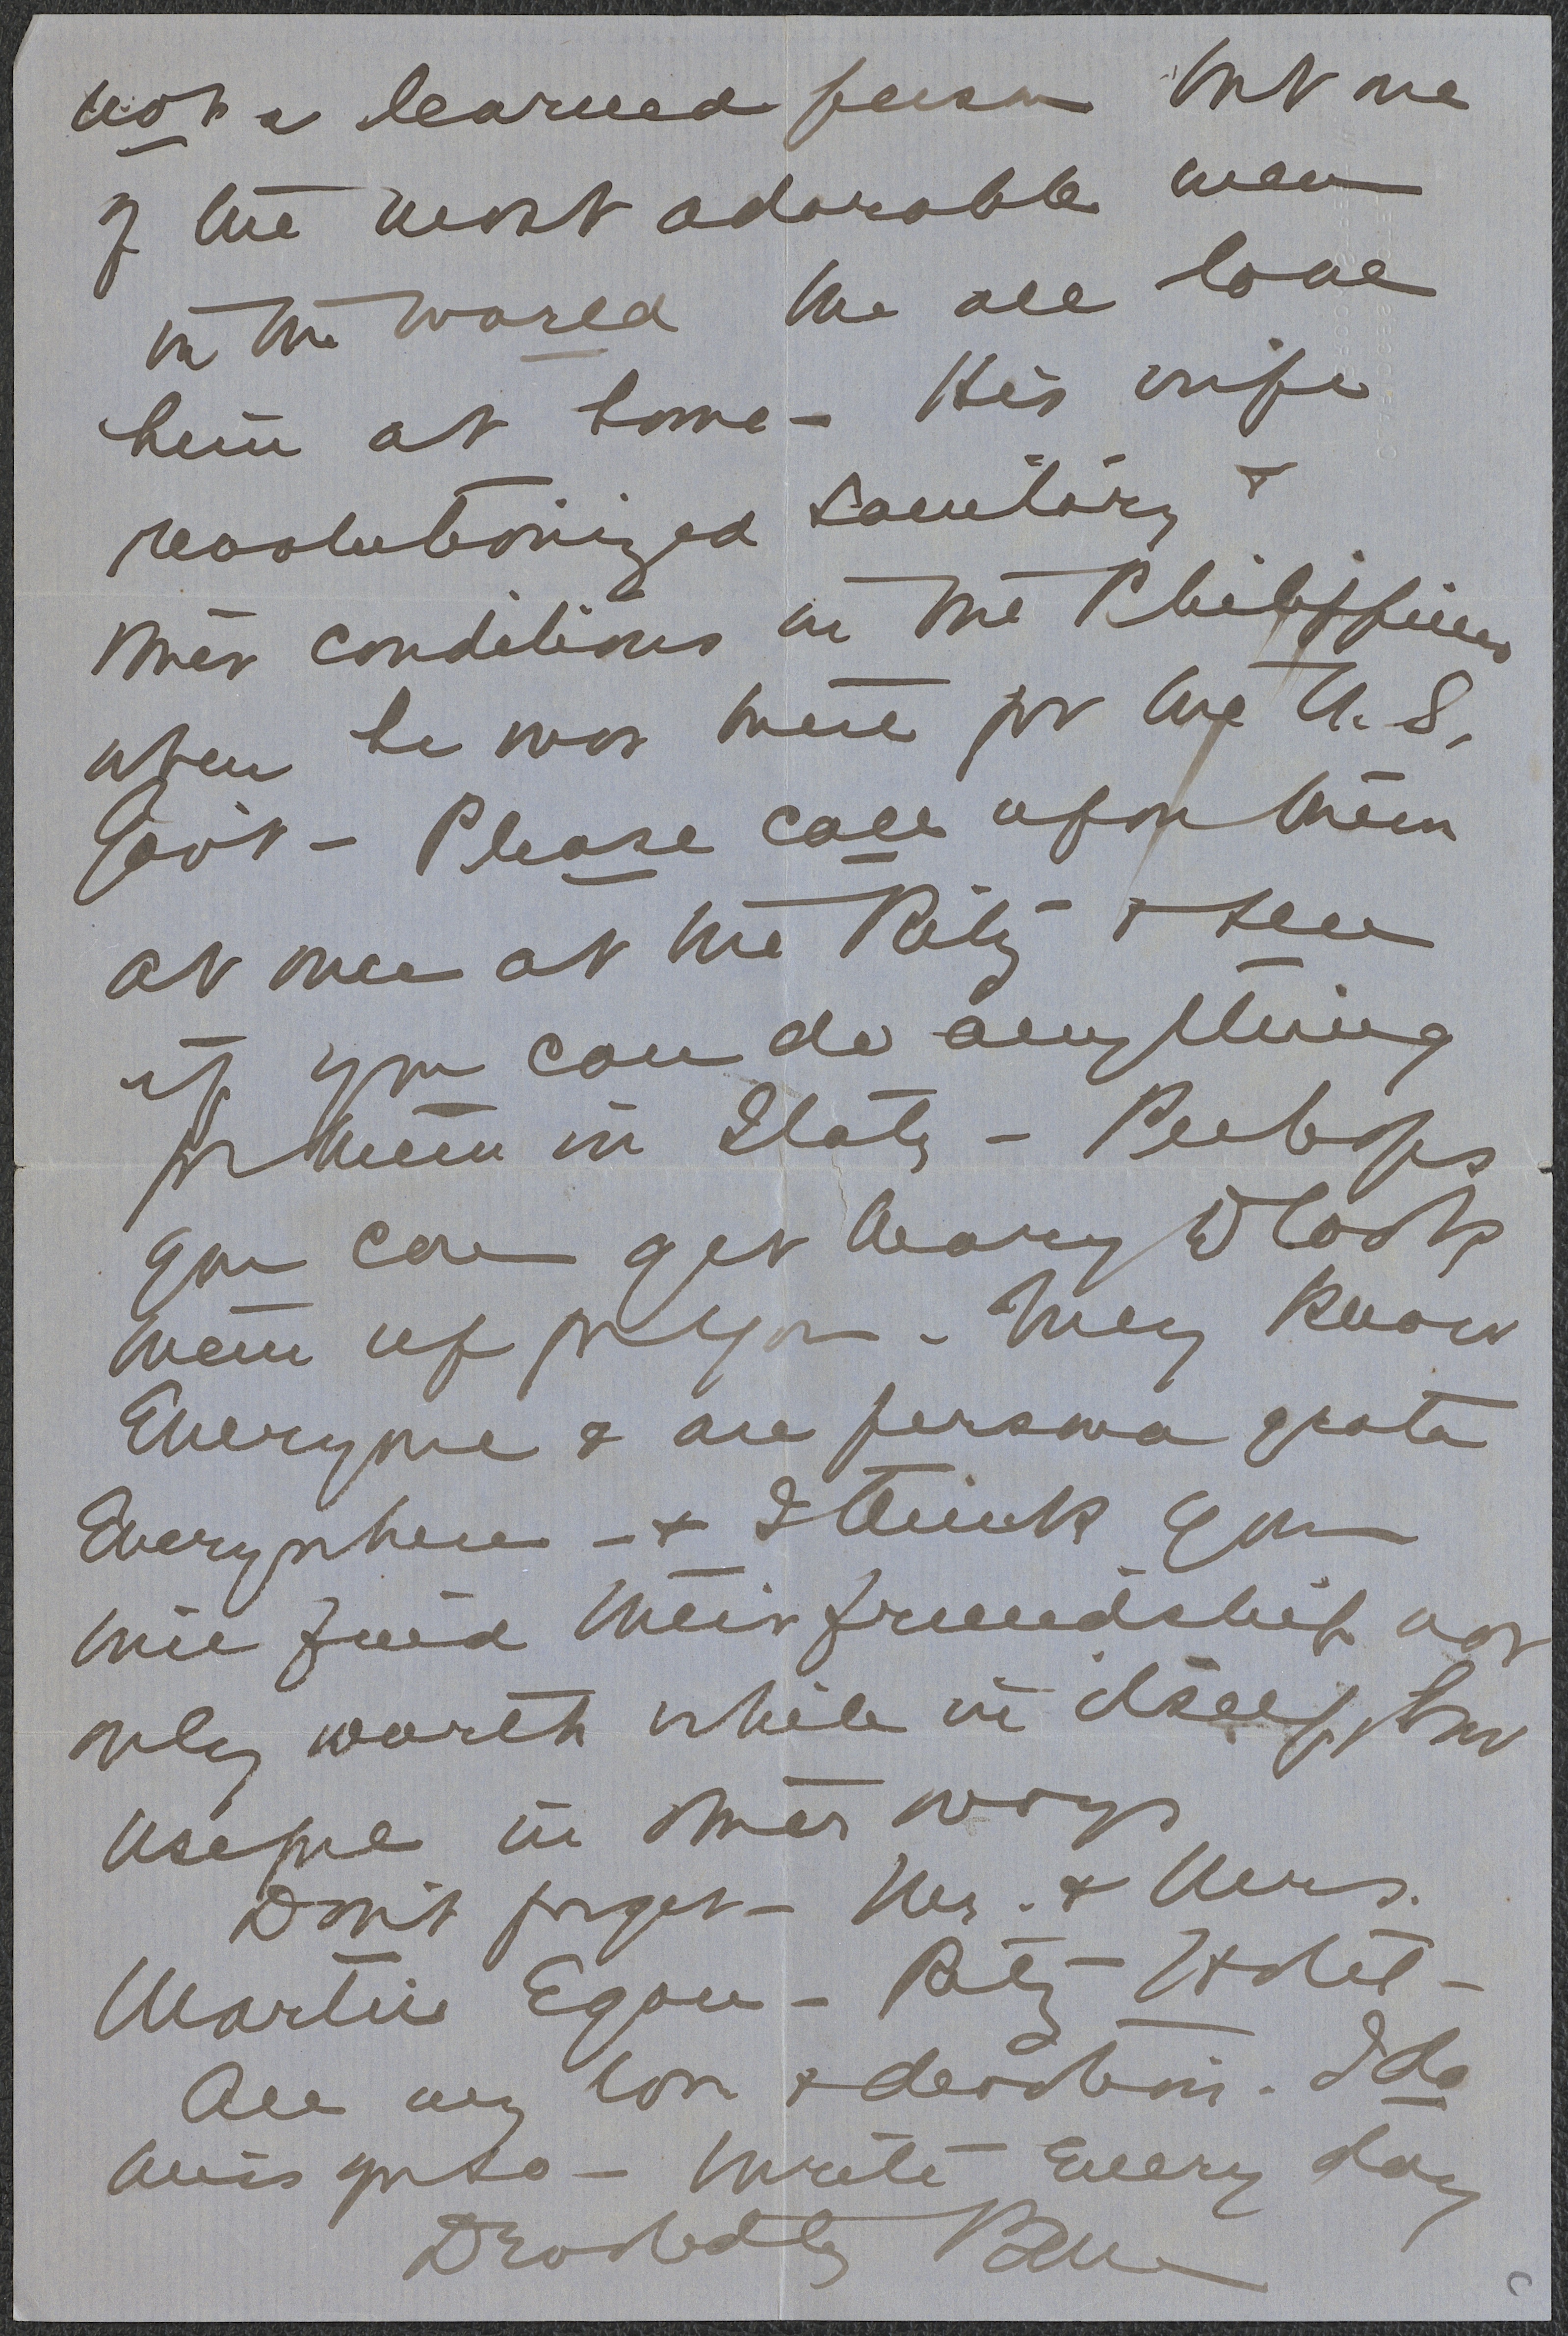not a learned person but one of the most adorable men in the world we all love him at home – His wife revolutionized sanitary & other conditions in the Philippines when he was there the for U.S. Gov’t – Please call upon them at once at the Ritz & see if you can do anything for them in Italy – Perhaps you can get Mary to look them up for you – They know everyone & are persona grata everywhere – & I think you will find their friendship not only worth while in itself but useful in other ways.
Don’t forget – Mr. & Mrs. Martin Egan – Ritz-Hotel –
All my love & devotion – I do miss you so – write every day
Devotedly Belle